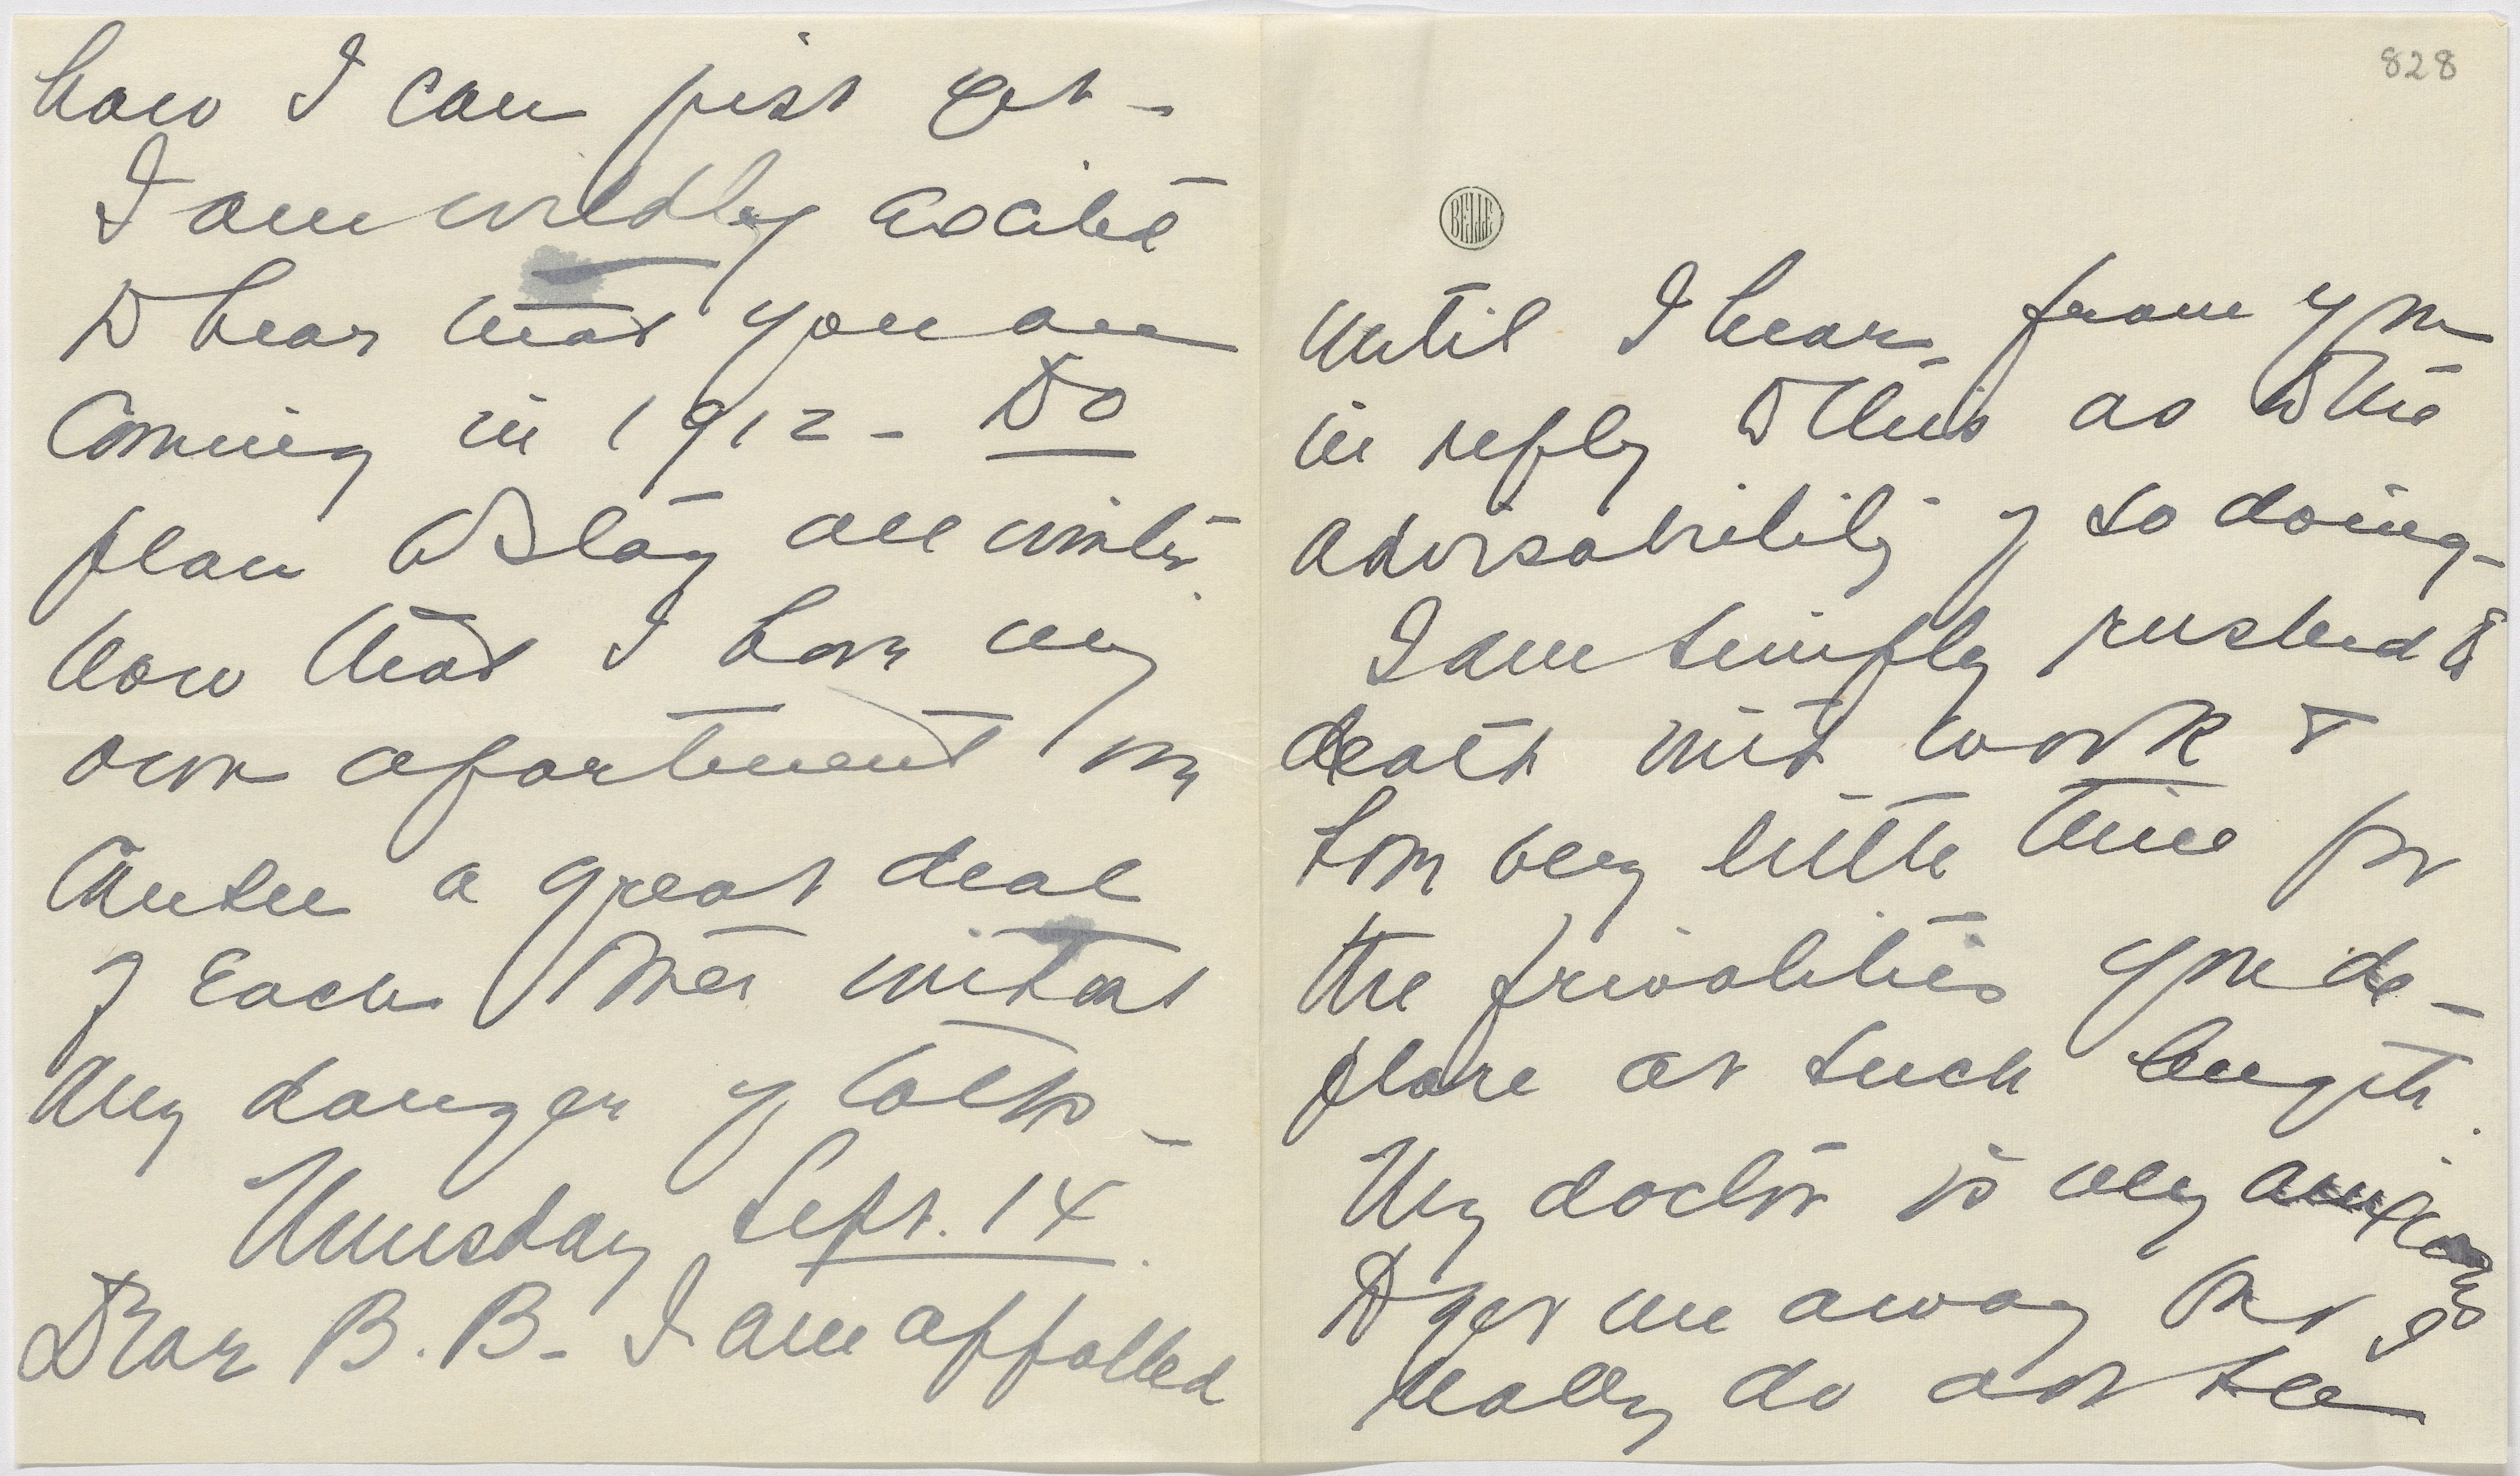until i hear from you in reply to this as to the advisability of so doing –
I am simply rushed to death with work & have very little time for the frivolities you deplore at such length.
My doctor is very anxious to get me away but I really do not see
how I can just yet –
I am wildly excited to hear that you are coming in 1912 – Do plan to stay all winter now that I have my own apartment we can see a great deal of each other without any danger of talk –
Thursday Sept. 14.
Dear B. B – I am appalled